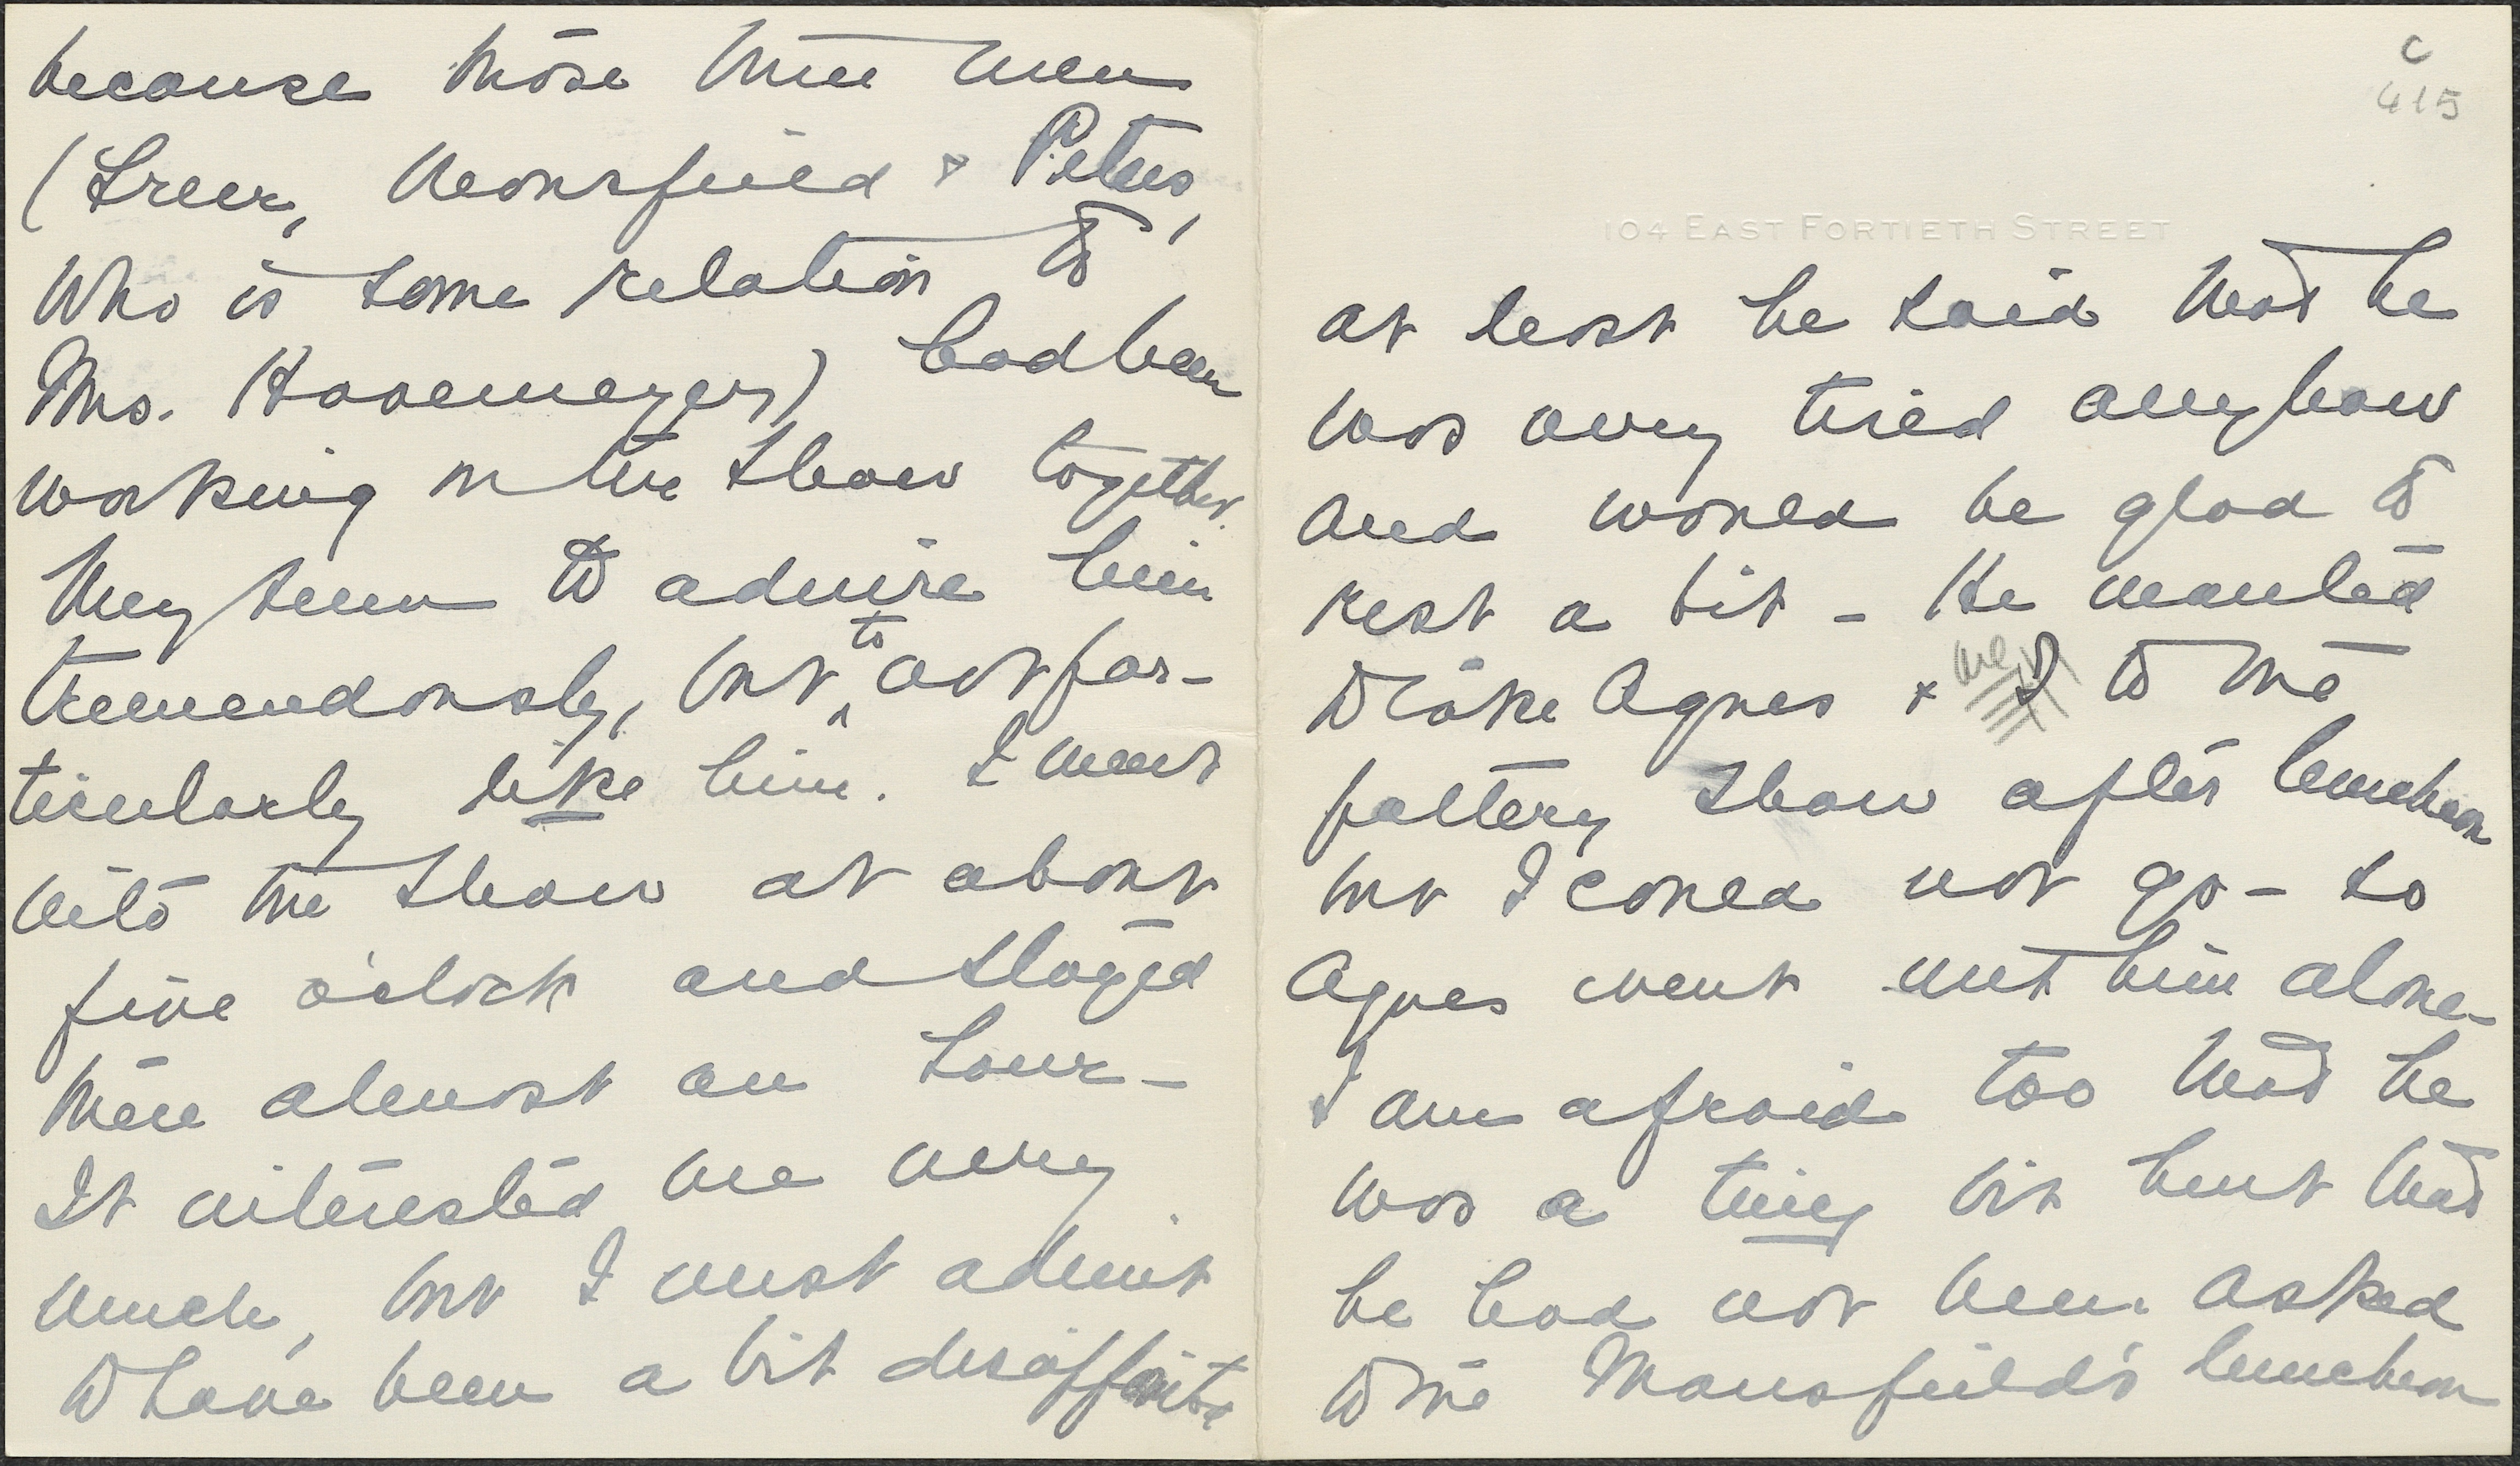at least he said that he was very tired anyhow and would be glad to rest a bit – He wanted to take Agnes & I[^me^] to the pottery show after luncheon but I could not go – so Agnes went with him alone – I am afraid too that he was a tiny bit hurt that he had not been asked to the Mansfield’s luncheon
because those three men (Freer, Mansfield & Peters, who is some relation to Mrs. Havemeyer) had been working on the show together. They seem to admire him tremendously, but [^ to^] not particularly like him. I went into the show at about five o’clock and stayed there almost an hour – it interested my very much, but I must admit to have been a bit disappointed